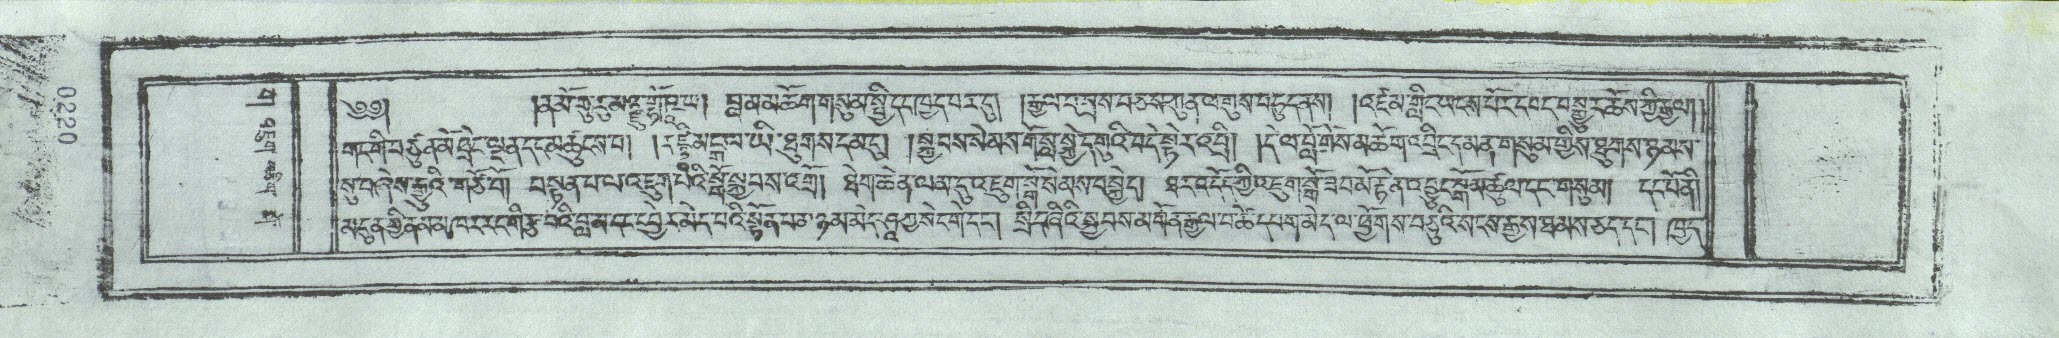༄༅། །ན་མོ་གུ་རུ་མཉྫུ་གྷོཥཱ་ཡ། བླ་མ་མཆོག་གསུམ་སྤྱི་དང་ཁྱད་པར་དུ། །རྒྱལ་བ་སྲས་བཅས་ཀུན་ལ་གུས་བཏུད་ནས། །འཛམ་གླིང་ཡངས་པོར་དབང་བསྒྱུར་ཆོས་ཀྱི་རྒྱལ། །
གང་གི་བཙུན་མོ་ཕྲེང་ལྡན་དང་མཚུངས་པ། །རཛྙི་མངྒ་ལ་ཡི་ཐུགས་དམ་དུ། །སྐྱབས་སེམས་གོ་སླ་སྐྱེ་དགུའི་བདེ་སྟེར་འབྲི། །དེ་ལ་བློ་གྲོས་མཆོག་འབྲིང་དམན་གསུམ་གྱིས་ཐུགས་ཉམས་
སུ་བཞེས་རྒྱུའི་གཙོ་བོ། བསྟན་པ་ལ་འཇུག་པའི་སྒོ་སྐྱབས་འགྲོ། ཐེག་ཆེན་ལམ་དུ་འཇུག་སྒོ་སེམས་བསྐྱེད། ཐར་འདོད་ཀྱི་འཇུག་སྒོ་ཟབ་མོ་རྟེན་འབྱུང་སྒོམ་ཚུལ་དང་གསུམ། དང་པོ་ནི།
མདུན་གྱི་ནམ་མཁར་རང་གི་རྩ་བའི་བླ་མ་དང་དབྱེར་མེད་པའི་སྟོན་པ་མཉམ་མེད་ཤཱཀྱ་སེང་གེ་དང་། སྲིད་ཞིའི་སྐྱབས་མགོན་རྒྱལ་བ་ཚེ་དཔག་མེད་ལ་ཕྱོགས་བཅུའི་སངས་རྒྱས་ཐམས་ཅད་དང་། ཁྱད་